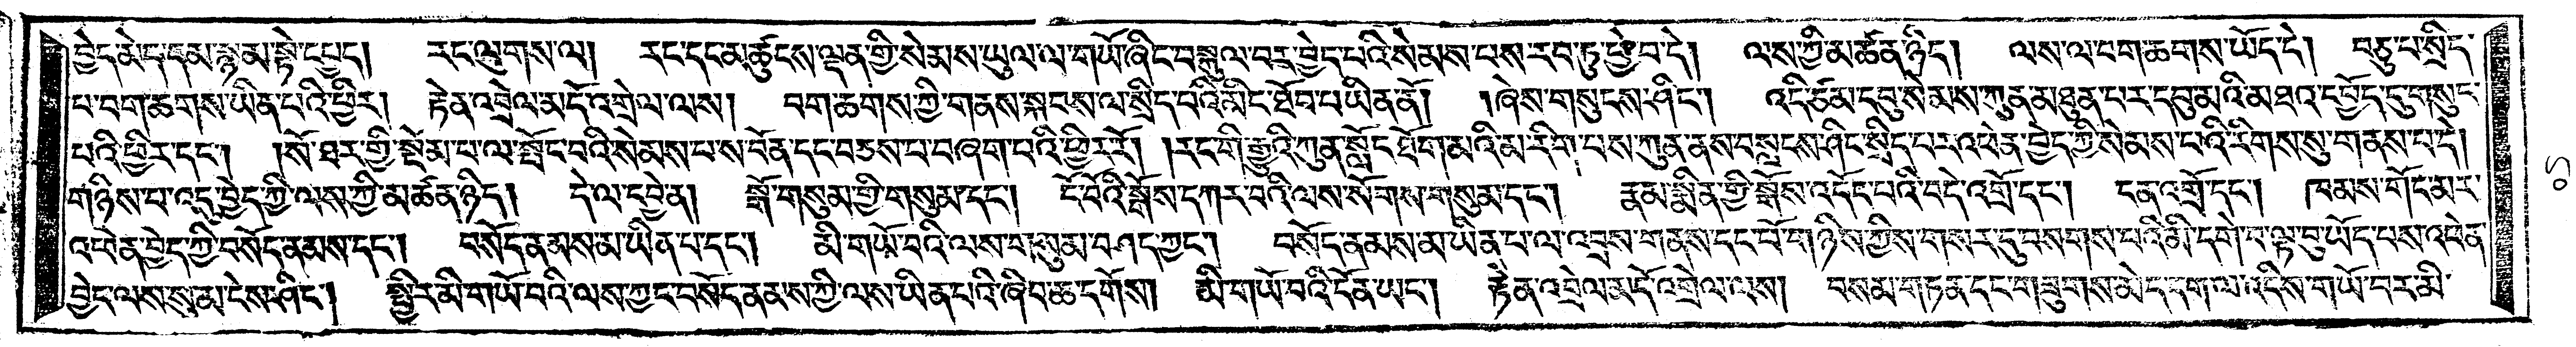བྱེད་མེད་དམ་སྙམ་སྟེ་དཔྱད། རང་ལུགས་ལ། རང་དང་མཚུངས་ལྡན་གྱི་སེམས་ཡུལ་ལ་གཡོ་ཞིང་བསྐུལ་བར་བྱེད་པའི་སེམས་པས་རབ་ཏུ་ཕྱེ་བ་དེ། ལས་ཀྱི་མཚན་ཉིད། ལས་ལ་བག་ཆགས་ཡོད་དེ། བཅུ་པ་སྲིད་
པ་བག་ཆགས་ཡིན་པའི་ཕྱིར། རྟེན་འབྲེལ་མདོ་འགྲེལ་ལས། བག་ཆགས་ཀྱི་གནས་སྐབས་ལ་སྲིད་པའི་མིང་ཐོབ་པ་ཡིན་ནོ། །ཞེས་གསུངས་ཤིང་། འདི་ཙམ་དབུ་སེམས་ཀུན་མཐུན་པར་དབུ་མའི་མཐའ་དཔྱོད་དུ་གསུང་
པའི་ཕྱིར་དང་། །སོ་ཐར་གྱི་སྡོམ་པ་ལ་སྤོང་བའི་སེམས་པ་ས་བོན་དང་བཅས་པ་བཞག་པའི་ཕྱིར་རོ། །རང་གི་རྒྱུའི་ཀུན་སློང་ཐོག་མའི་མ་རིག་པས་ཀུན་ནས་བསླངས་ཤིང་སྲིད་པར་འཕེན་བྱེད་ཀྱི་སེམས་པའི་རིགས་སུ་གནས་པ་དེ།
གཉིས་པ་འདུ་བྱེད་ཀྱི་ལས་ཀྱི་མཚན་ཉིད། དེ་ལ་དབྱེ་ན། སྒོ་གསུམ་གྱི་གསུམ་དང་། ངོ་བོའི་སོགས་དཀར་བའི་ལས་སོགས་གསུམ་དང་། རྣམ་སྨིན་གྱི་སྒོས་འདོད་པའི་བདེ་འགྲོ་དང་། ངན་འགྲོ་དང་། ཁམས་གོང་མར་
འཕེན་ཁྱེད་ཀྱི་བསོད་ནམས་དང་། བསོད་ནམས་མ་ཡིན་པ་དང་། མི་གཡོ་བའི་ལས་གསུམ་བཤད་ཀྱང་། བསོད་ནམས་མ་ཡིན་པ་ལ་འབྲས་གནས་དང་པོ་གཉིས་ཀྱིས་གསར་དུ་བསགས་པའི་མི་དགེ་བ་ལྟ་བུ་ཡོད་པས་འཕེན་
བྱེད་ལས་སུ་མ་ངེས་ཤིང་། སྤྱིར་མི་གཡོ་བའི་ལས་ཀྱང་བསོད་ནམས་ཀྱི་ལས་ཡིན་པའི་ཞིབ་ཆ་དགོས། མི་གཡོ་བའི་དོན་ཡང་། རྟེན་འབྲེལ་མདོ་འགྲེལ་ལས། བསམ་གཏན་དང་གཟུགས་མེད་དག་ལ་འདིས་གཡོ་བར་མི་